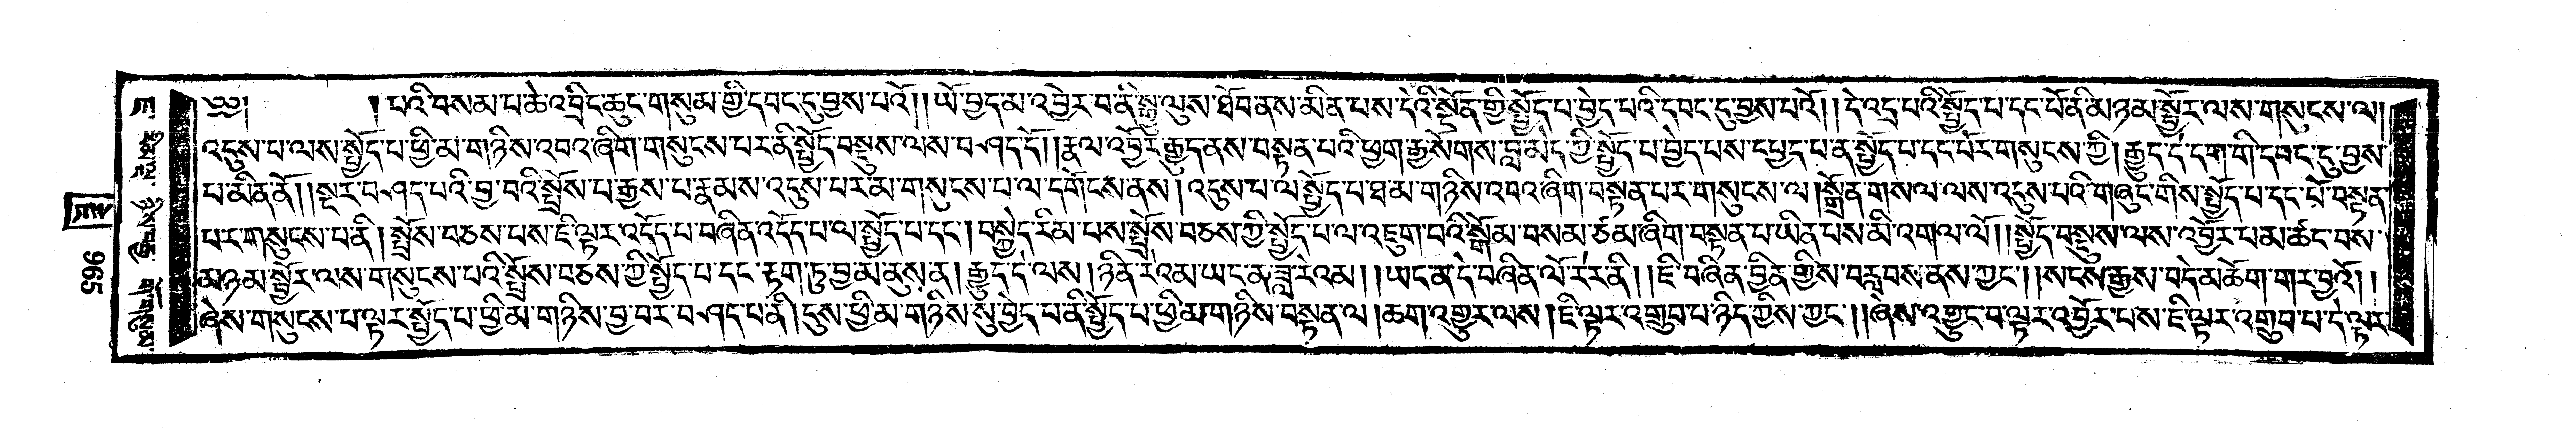༄༅། །པའི་བསམ་པ་ཆེ་འབྲིང་ཆུང་གསུམ་གྱི་དབང་དུ་བྱས་པའོ། །ཡོ་བྱད་མ་འབྱོར་བ་ནི་སྒྱུ་ལུས་ཐོབ་ནས་མིན་པས་དེའི་སྔོན་གྱི་སྤྱོད་པ་བྱེད་པའི་དབང་དུ་བྱས་པའོ། །དེ་འདྲ་བའི་སྤྱོད་པ་དང་པོ་ནི་མཉམ་སྦྱོར་ལས་གསུངས་ལ།
འདུས་པ་ལས་སྤྱོད་པ་ཕྱི་མ་གཉིས་འབའ་ཞིག་གསུངས་པར་ནི་སྤྱོད་བསྡུས་ལས་བཤད་དོ། །རྣལ་འབྱོར་རྒྱུད་ནས་བསྟན་པའི་ཕྱག་རྒྱ་སོགས་བླ་མེད་ཀྱི་སྤྱོད་པ་བྱེད་པས་དཔྱད་པ་ན་སྤྱོད་པ་དང་པོར་གསུངས་ཀྱི། རྒྱུད་དེ་དག་གི་དབང་དུ་བྱས་
པ་མིན་ནོ། །སྔར་བཤད་པའི་བྱ་བའི་སྤྲོས་པ་རྒྱས་པ་རྣམས་འདུས་པར་མ་གསུངས་པ་ལ་དགོངས་ནས། འདུས་པ་ལ་སྤྱོད་པ་ཐ་མ་གཉིས་འབའ་ཞིག་བསྟན་པར་གསུངས་ལ། སྒྲོན་གསལ་ལས་འདུས་པའི་གཞུང་གིས་སྤྱོད་པ་དང་པོ་བསྟན་
པར་གསུངས་པ་ནི། སྤྲོས་བཅས་པས་ཇི་ལྟར་འདོད་པ་བཞིན་འདོད་པ་ལ་སྤྱོད་པ་དང་། བསྐྱེད་རིམ་པས་སྤྲོས་བཅས་ཀྱི་སྤྱོད་པ་ལ་འཇུག་པའི་སྒོམ་བསམ་ཙམ་ཞིག་བསྟན་པ་ཡིན་པས་མི་འགལ་ལོ། །སྤྱོད་བསྡུས་ལས་འབྱོར་པ་མ་ཚང་བས་
མཉམ་སྦྱོར་ལས་གསུངས་པའི་སྤྲོས་བཅས་ཀྱི་སྤྱོད་པ་དང་རྟག་ཏུ་བྱ་མ་ནུས་ན། རྒྱུད་དེ་ལས། ཉིན་རེའམ་ཡང་ན་ཟླ་རེའམ། །ཡང་ན་དེ་བཞིན་ལོ་རེར་ནི། །ཇི་བཞིན་བྱིན་གྱིས་བརླབས་ནས་ཀྱང་། །སངས་རྒྱས་བདེ་མཆོག་གར་བྱའོ། །
ཞེས་གསུངས་པ་ལྟར་སྤྱོད་པ་ཕྱི་མ་གཉིས་བྱ་བར་བཤད་པ་ནི། དུས་ཕྱི་མ་གཉིས་སུ་བྱེད་པ་ནི་སྤྱོད་པ་ཕྱི་མ་གཉིས་བསྟན་ལ། ཆག་འགྱུར་ལས། ཇི་ལྟར་འགྲུབ་པ་ཉིད་ཀྱིས་ཀྱང་། །ཞེས་འབྱུང་བ་ལྟར་འབྱོར་བས་ཇི་ལྟར་འགྲུབ་པ་དེ་ལྟར་